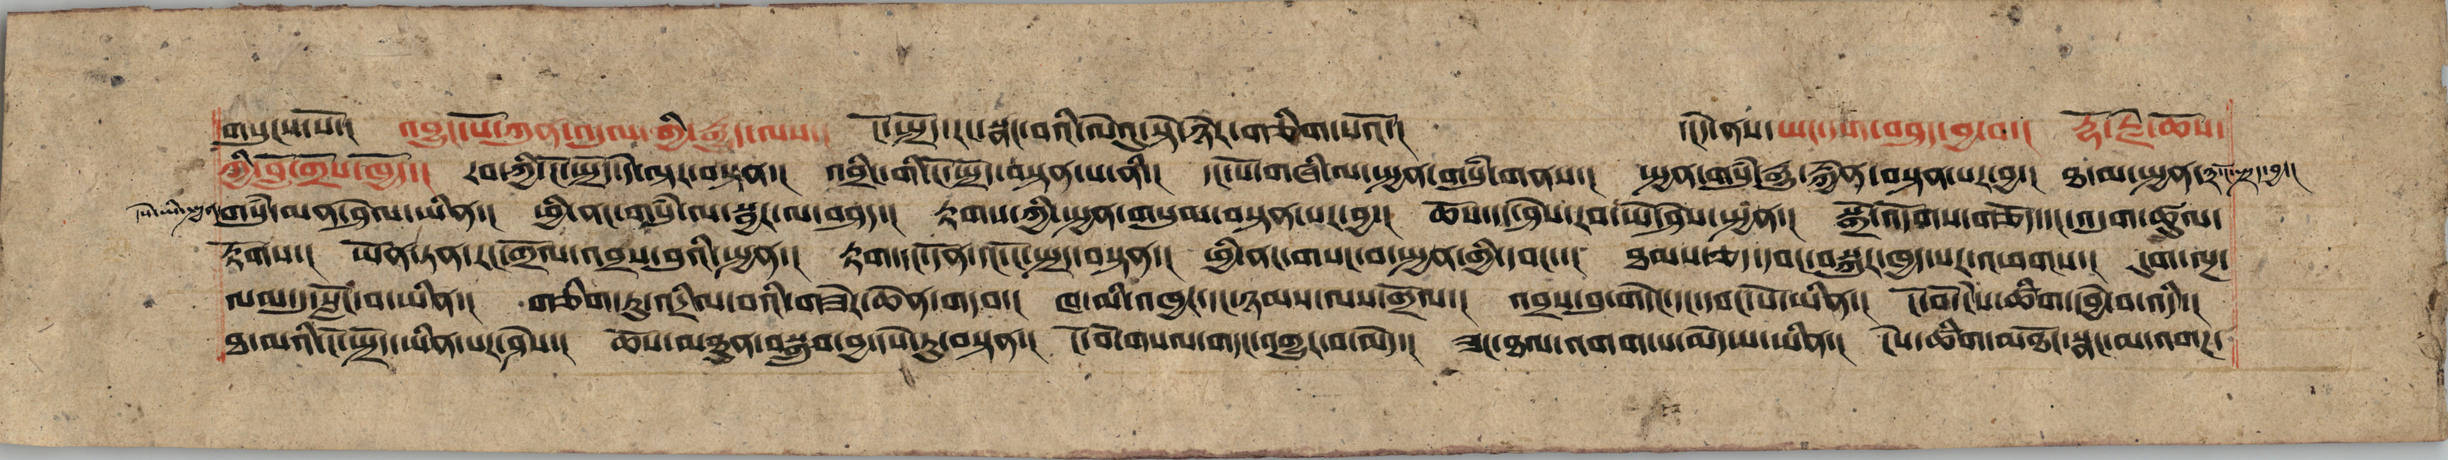གསུངས་སོ་། འབྱུང་པོ་ཀུན་འདུལ་གྱི་རྒྱུད་ལས་། ངོ་སྤྲོད་རང་སྣང་བའི་ལེའུ་སྟེ་ཉེར་གཅིག་པའོ་། ་།དེ་ནས་ཡང་དག་བཤད་བྱ་བ་། རྡོ་རྗེ་ཆོས་
ཀྱི་བློ་གྲོས་ཁྱོད་། རབ་ཀྱི་ངོ་སྤྲོད་དེ་ལྟར་བསྟན་། འབྲིང་གི་ངོ་སྤྲོད་བསྟན་པ་ནི་། དང་པོ་གཞི་ལ་སྤྱན་གསུཾ་གནས་། སྤྱན་གསུཾ་རྒྱུ་རྐྱེན་བསྟན་པར་བྱ་། ཐ་མ་སྤྱན་༣་ངོ་སྤྲོད་བྱ་།
དཔེ་ཡི་སྤྱན་གསུཾ་མན་ཤེལ་ཡིན་། ཕྱི་ནང་གསུཾ་ལ་སྦྱར་ལ་བཤད་། རྟགས་ཀྱི་སྤྱན་གསུམ་བསྟན་པར་བྱ་། ཆོས་དང་ཤེས་རབ་ཡེ་ཤེས་སྤྱན་། སྒྲོ་འདོགས་གཅོད་དང་འདུག་ཚུལ་
རྟོགས་། ཡོན་ཏན་རང་གྲོལ་འབྲས་བུའི་སྤྱན་། རྟག་དང་དོན་དང་ངོ་སྤྲད་བསྟན་། ཕྱི་ནང་གསང་བ་སྤྱན་གྱི་དབང་་། ཐམས་ཅད་དབང་བསྐུར་ཁྱད་པར་འཕགས་། དུག་ལྔ་
ལམ་དུ་སློང་བ་ཡིན་། གཅིག་ཏུ་འདྲིལ་བའི་གཟེར་ཆེན་གདབ་། ཁ་མི་འཁྱར་དང་ཉམས་ལས་གྲོལ་། འབྲས་བུ་གདེང་དང་དབང་པོ་ཡིན་། ངོ་བོ་ངེས་ཚིག་དབྱེ་བ་འདི་།
ཐ་མའི་ངོ་སྤྲོད་ཡིན་པར་ཤེས་། ཆོས་མཐུན་བསྒྲུབ་བྱ་དཔེ་རུ་བསྟན་། ངོ་བོ་གསལ་གདང་འགྱུར་བ་མེད་། ཟང་ཐལ་འགག་པ་མེད་པ་ཡིན་། ངེས་ཚིག་མཐོང་སྣང་མ་འགཌ་